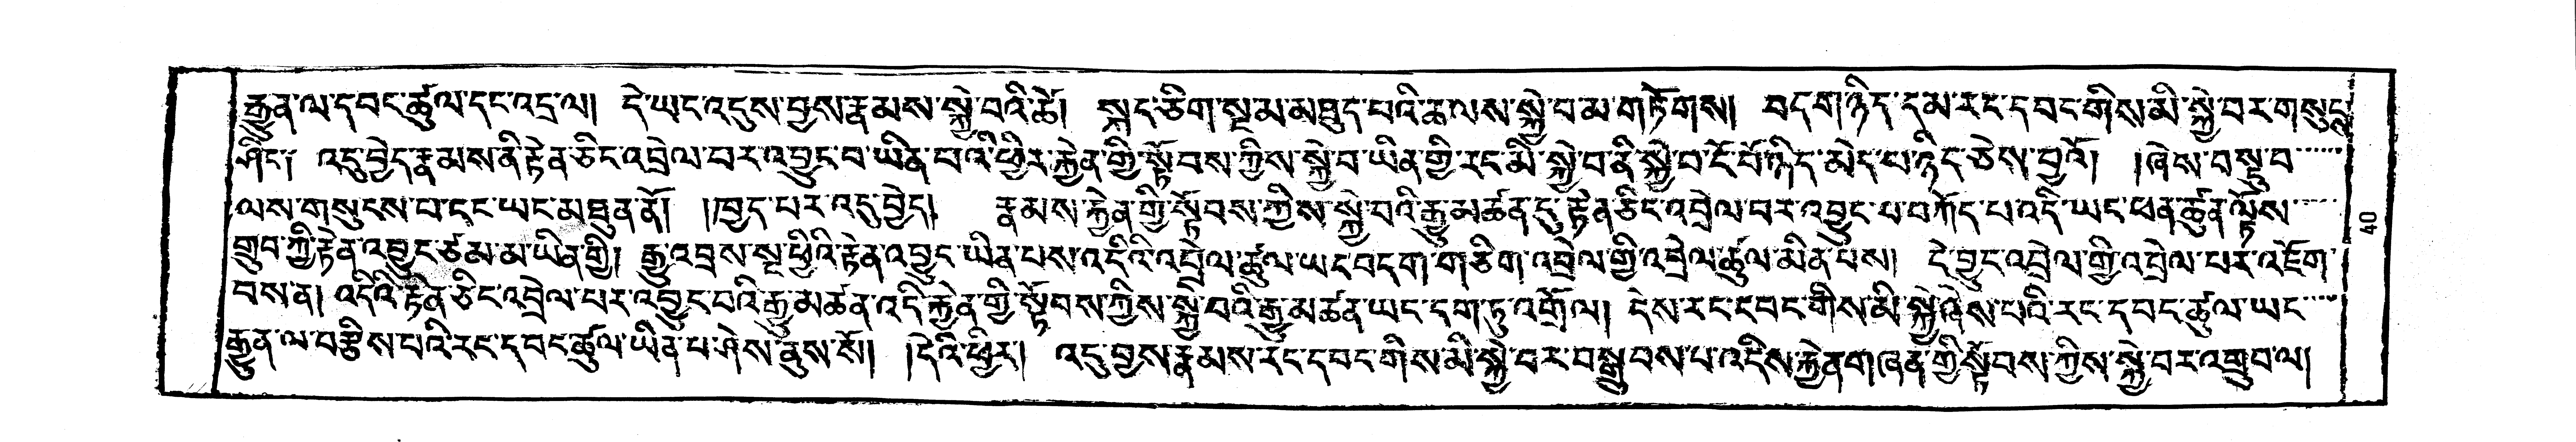རྒྱུན་ལ་དབང་ཚུལ་དང་འདྲ་ལ། དེ་ཡང་འདུས་བྱས་རྣམས་སྐྱེ་བའི་ཚེ། སྐད་ཅིག་སྔ་མ་མཐུད་པའི་ཆ་ལས་སྐྱེ་བ་མ་གཏོགས། བདག་ཉིད་དམ་རང་དབང་གིས་མི་སྐྱེ་བར་གསུངས་
ཤིང་། འདུ་བྱེད་རྣམས་ནི་རྟེན་ཅིང་འབྲེལ་པར་འབྱུང་བ་ཡིན་པའི་ཕྱིར་རྐྱེན་གྱི་སྟོབས་ཀྱིས་སྐྱེ་བ་ཡིན་གྱི་རང་མི་སྐྱེ་བ་ནི་སྐྱེ་བ་ངོ་བོ་ཉིད་མེད་པ་ཉིད་ཅེས་བྱའོ། །ཞེས་བསྡུ་བ་
ལས་གསུངས་པ་དང་ཡང་མཐུན་ནོ། །ཁྱད་པར་འདུ་བྱེད། རྣམས་རྐྱེན་གྱི་སྟོབས་ཀྱིས་སྐྱེ་བའི་རྒྱུ་མཚན་དུ་རྟེན་ཅིང་འབྲེལ་བར་འབྱུང་བ་བཀོད་པ་འདི་ཡང་ཕན་ཚུན་ལྟོས་
གྲུབ་ཀྱི་རྟེན་འབྱུང་ཙམ་མ་ཡིན་གྱི། རྒྱུ་འབྲས་སྔ་ཕྱིའི་རྟེན་འབྱུང་ཡིན་པས་འདིའི་འབྲེལ་ཚུལ་ཡང་བདག་གཅིག་འབྲེལ་གྱི་འབྲེལ་ཚུལ་མིན་པས། དེ་བྱུང་འབྲེལ་གྱི་འབྲེལ་པར་འཇོག་
བས་ན། འདིའི་རྟེན་ཅིང་འབྲེལ་པར་འབྱུང་བའི་རྒྱུ་མཚན་འདི་རྐྱེན་གྱི་སྟོབས་ཀྱིས་སྐྱེ་བའི་རྒྱུ་མཚན་ཡང་དག་ཏུ་འགྲོལ། དེས་རང་དབང་གིས་མི་སྐྱེ་ཞེས་པའི་རང་དབང་ཚུལ་ཡང་
རྒྱུན་ལ་བརྩིས་པའི་རང་དབང་ཚུལ་ཡིན་པ་ཤེས་ནུས་སོ། །དེའི་ཕྱིར། འདུ་བྱས་རྣམས་རང་དབང་གིས་མི་སྐྱེ་བར་བསྒྲུབས་པ་འདིས་རྐྱེན་གཞན་གྱི་སྟོབས་ཀྱིས་སྐྱེ་བར་འགྲུབ་ལ་